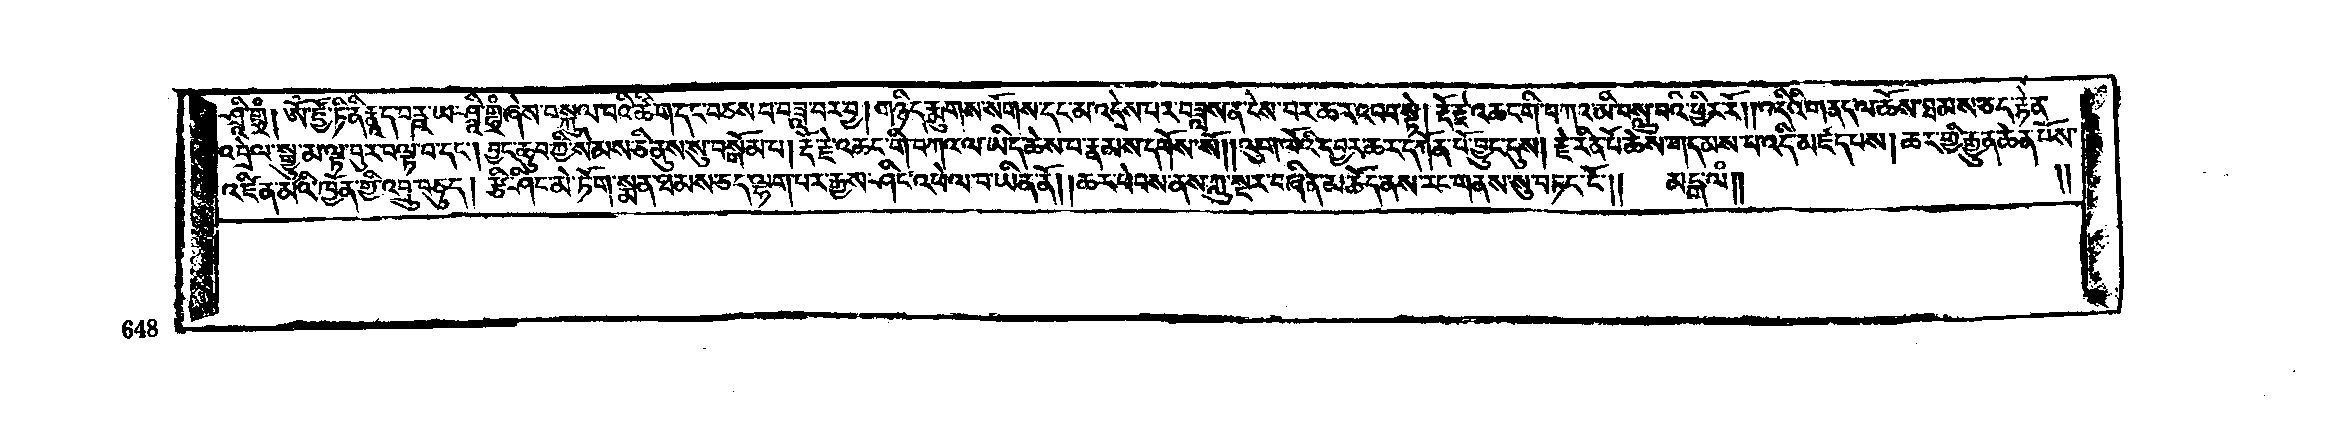ཤཱྲི་གྷྲཾ། ཨོཾ་ཛྱོ་ཏི་ནི་རྣཱ་ད་བརྵ་ཡ་ཤྲཱི་གྷྲཾ་ཞེས་བསྐུལ་བའི་ཚིག་དང་བཅས་པ་བཟླ་བར་བྱ། གཉིད་རྨུགས་སོགས་དང་མ་འདྲེས་པར་བཟླས་ན་ངེས་པར་ཆར་འབབ་སྟེ། རྡོ་རྗེ་འཆང་གི་བཀའ་མི་བསླུ་བའི་ཕྱིར་རོ། །འདིའི་གནད་ལ་ཆོས་ཐམས་ཅད་རྟེན་
འབྲེལ་སྒྱུ་མ་ལྟ་བུར་བལྟ་བ་དང་། བྱང་ཆུབ་ཀྱི་སེམས་ཅི་ནུས་སུ་བསྒོམ་པ། རྡོ་རྗེ་འཆང་གི་བཀའ་ལ་ཡིད་ཆེས་པ་རྣམས་དགོས་སོ། །ལུག་ལོའི་དབྱར་ཆར་དཀོན་པོ་བྱུང་དུས། རྗེ་རིན་པོ་ཆེས་གདམས་པ་འདི་མཛད་པས། ཆར་གྱི་རྒྱུན་ཆེན་པོས་
འཛིན་མའི་ཁྱོན་གྱི་འབྲུ་བཅུད། རྩི་ཤིང་མེ་ཏོག་སྨན་ཐམས་ཅད་ལྷག་པར་རྒྱས་ཤིང་འཕེལ་བ་ཡིན་ནོ། །ཆར་ཕེབས་ནས་ཀླུ་སྔར་བཞིན་མཆོད་ནས་རང་གནས་སུ་བཏང་ངོ།། མངྒ་ལཾ།། །།